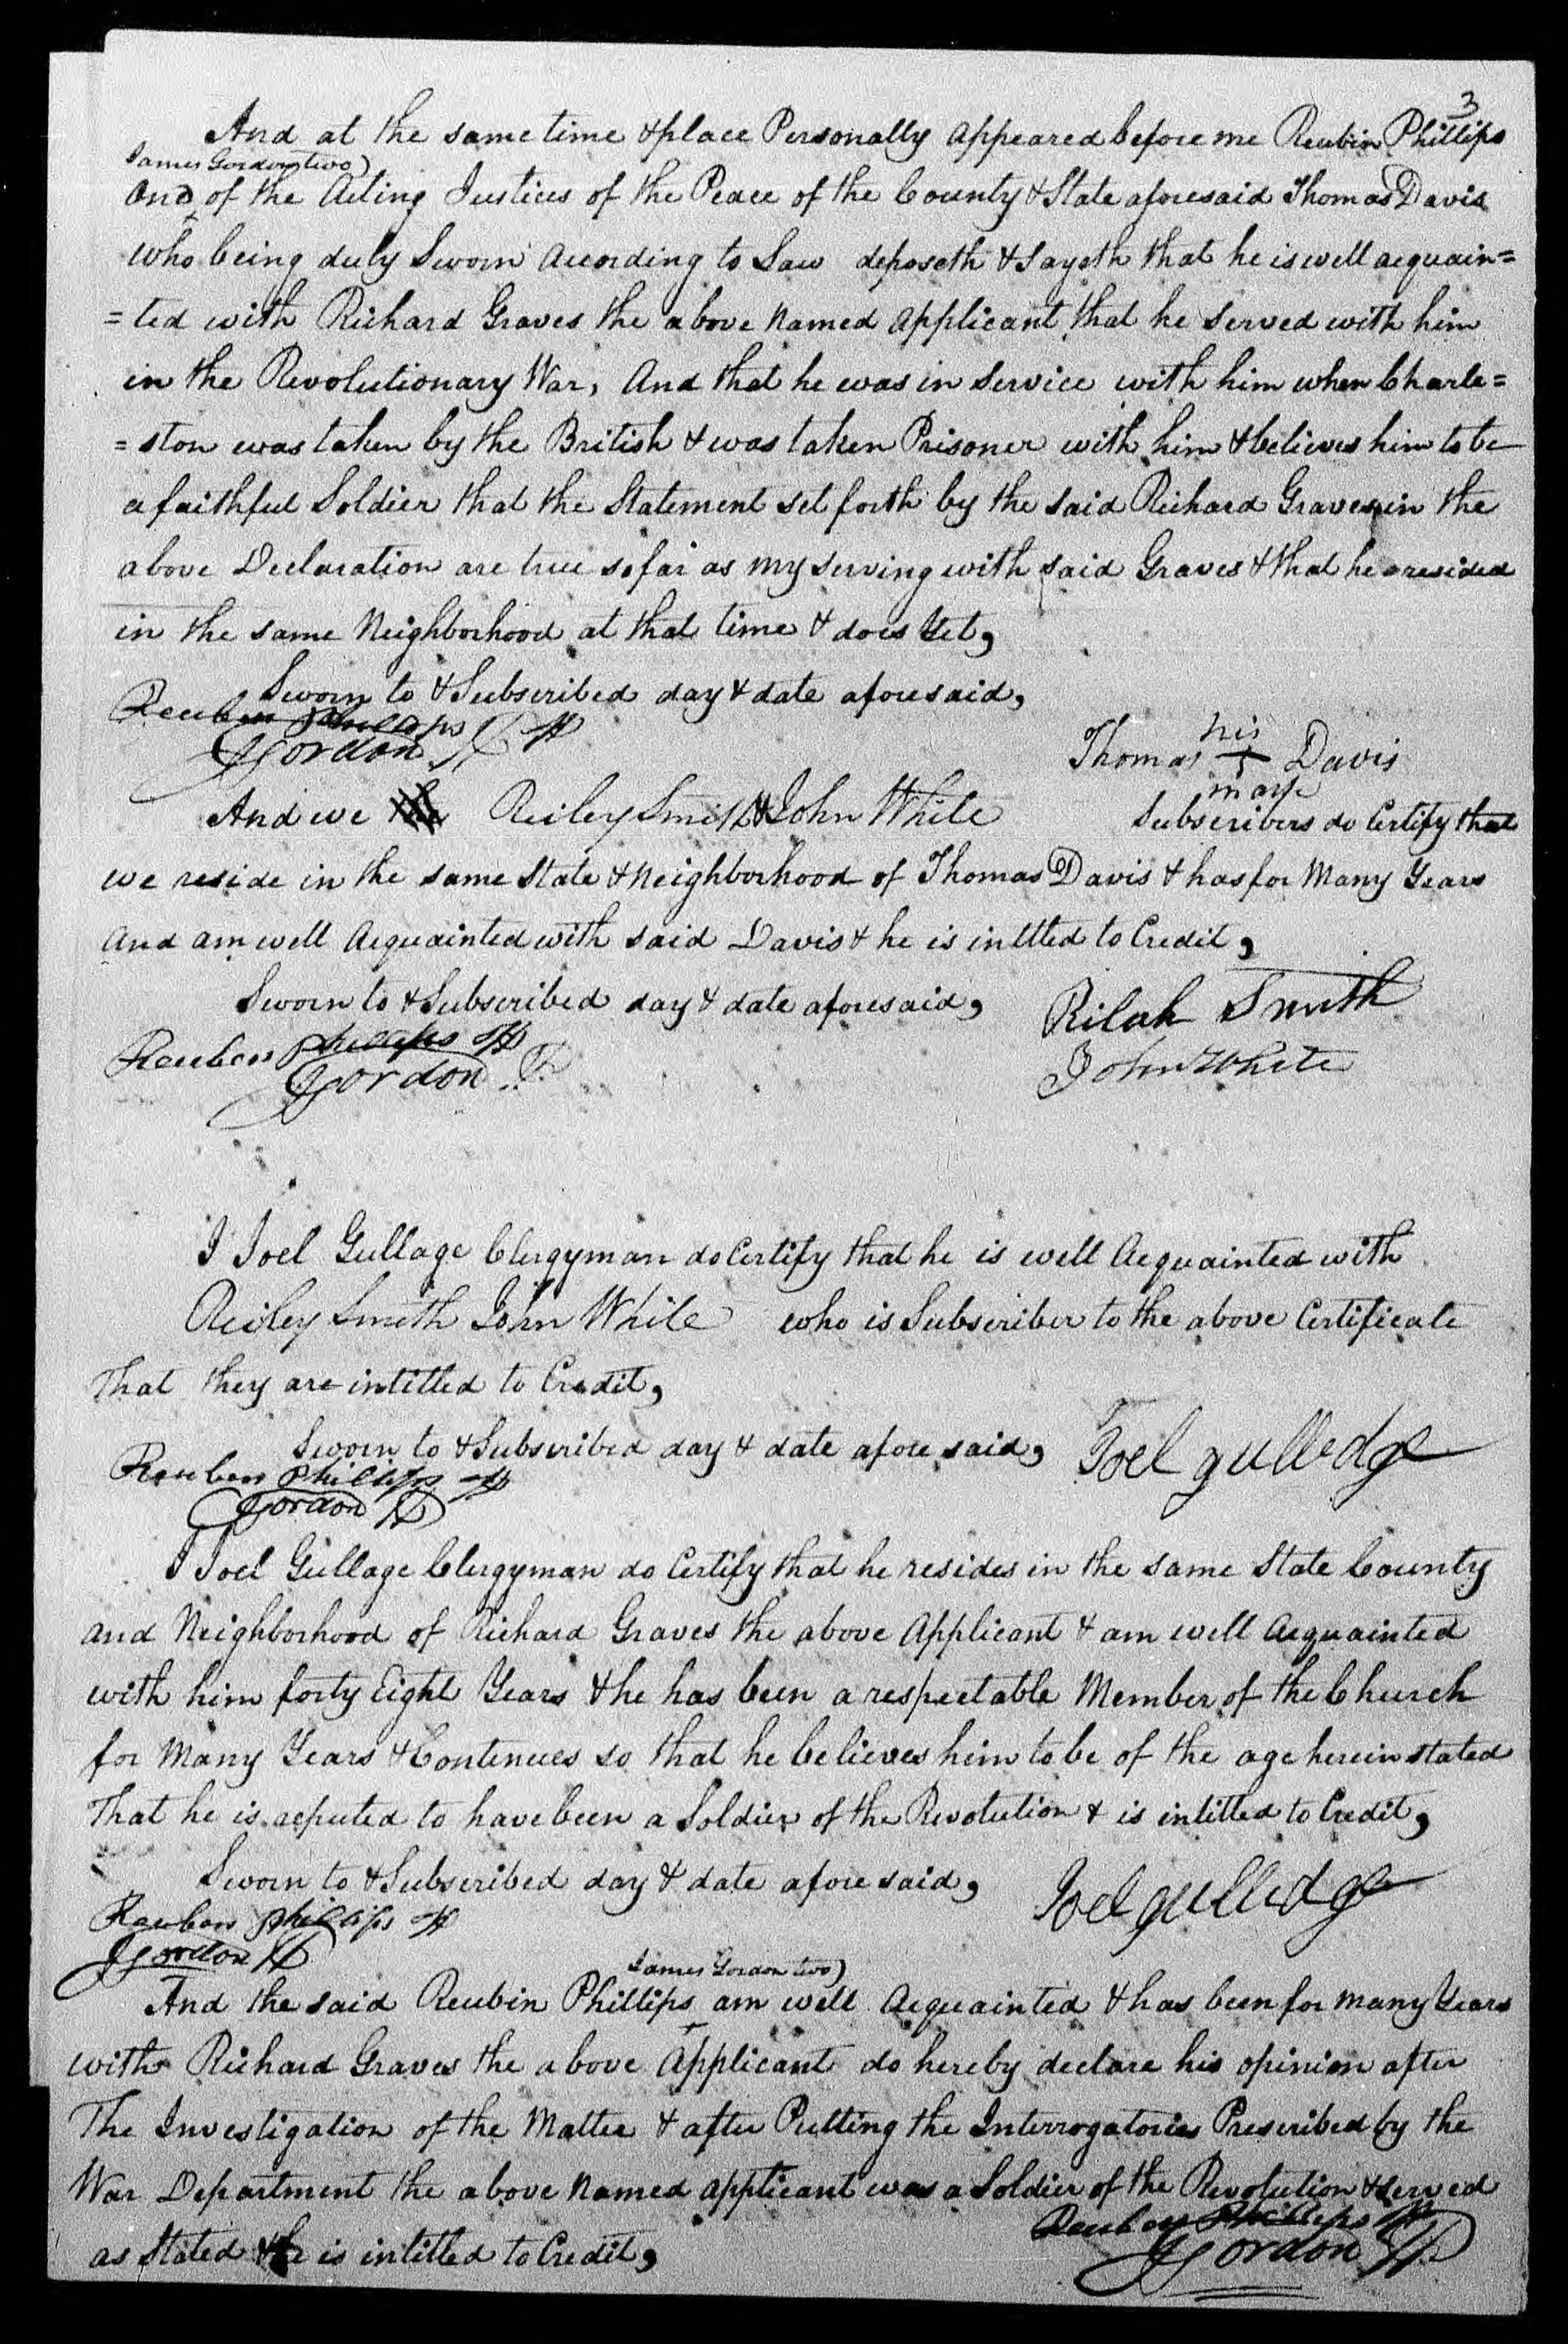3.
And at the same time & place personally appeared before me Reubin Phillips and James Gordontwo of the ailing Justices of the Peace of the County & state aforesaid Thomas Davis who being duly sworn according to law deposeth & sayeth that he is well acquainted with Richard Graves the above named applicant that he served with him in the Revolutionary War, and that he was in service with him when Charleston was taken by the British & was taken prisoner with him & believes him to be a faithful soldier, that the Statement set forth by the said Richard Graves in the above Declaration are true so far as my serving with said Graves & that he resided in the same neighborhood at that time & does set,

Sworn to & Subscribed day & date aforesaid,
Reubin James [??]
J Gordon
Thomas Davis his x mark

And we [the] Riley Smith & John White  Subscribers do Certify that we reside in the same state & neighborhood of Thomas Davis & has for many years and am well acquainted with said Davis & he is intitled to credit,

Sworn to & Subscribed day & date aforesaid, Joel Gulledge
Reuben Phillips [??]
J Gordon [??] 

And the said Reubin Phillips & James Gordon two) am well acquainted & has been for many years with Richard Graves the above applicant do hereby declare his opinion after The Investigation of the Matter & after Putting the Interrogation Prescribed by the War Department the above named applicant was a Soldier of the Revolution & served as Stated & he is intitled to Credit,
Reubin Phillips
J Gordon [??]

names: Reuben Phillips, Reuben Graves, Thomas Davis, John White, Rieley Smith, Richard Graves, Reuben Phillips, J Gordon, Reuben Phillips, James Gordon, J Gordon, Thomas Davis, Reubin Phillips, Richard Graves, Davis, Reiley Smith, J Gordon, J Gordon, Rilah Smith, James Gordon, Joel Gulledge, Joel Gulledge, Joel Gullage, John White, Richard Graves, Reubin Phillips, J Gordon, Joel Gullage, Richard Gravesin, John White, Thomas Davis, Reuben Phillips, Graves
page: 6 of 15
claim: survivor's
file: S. 8598, Richard Graves, S.C.